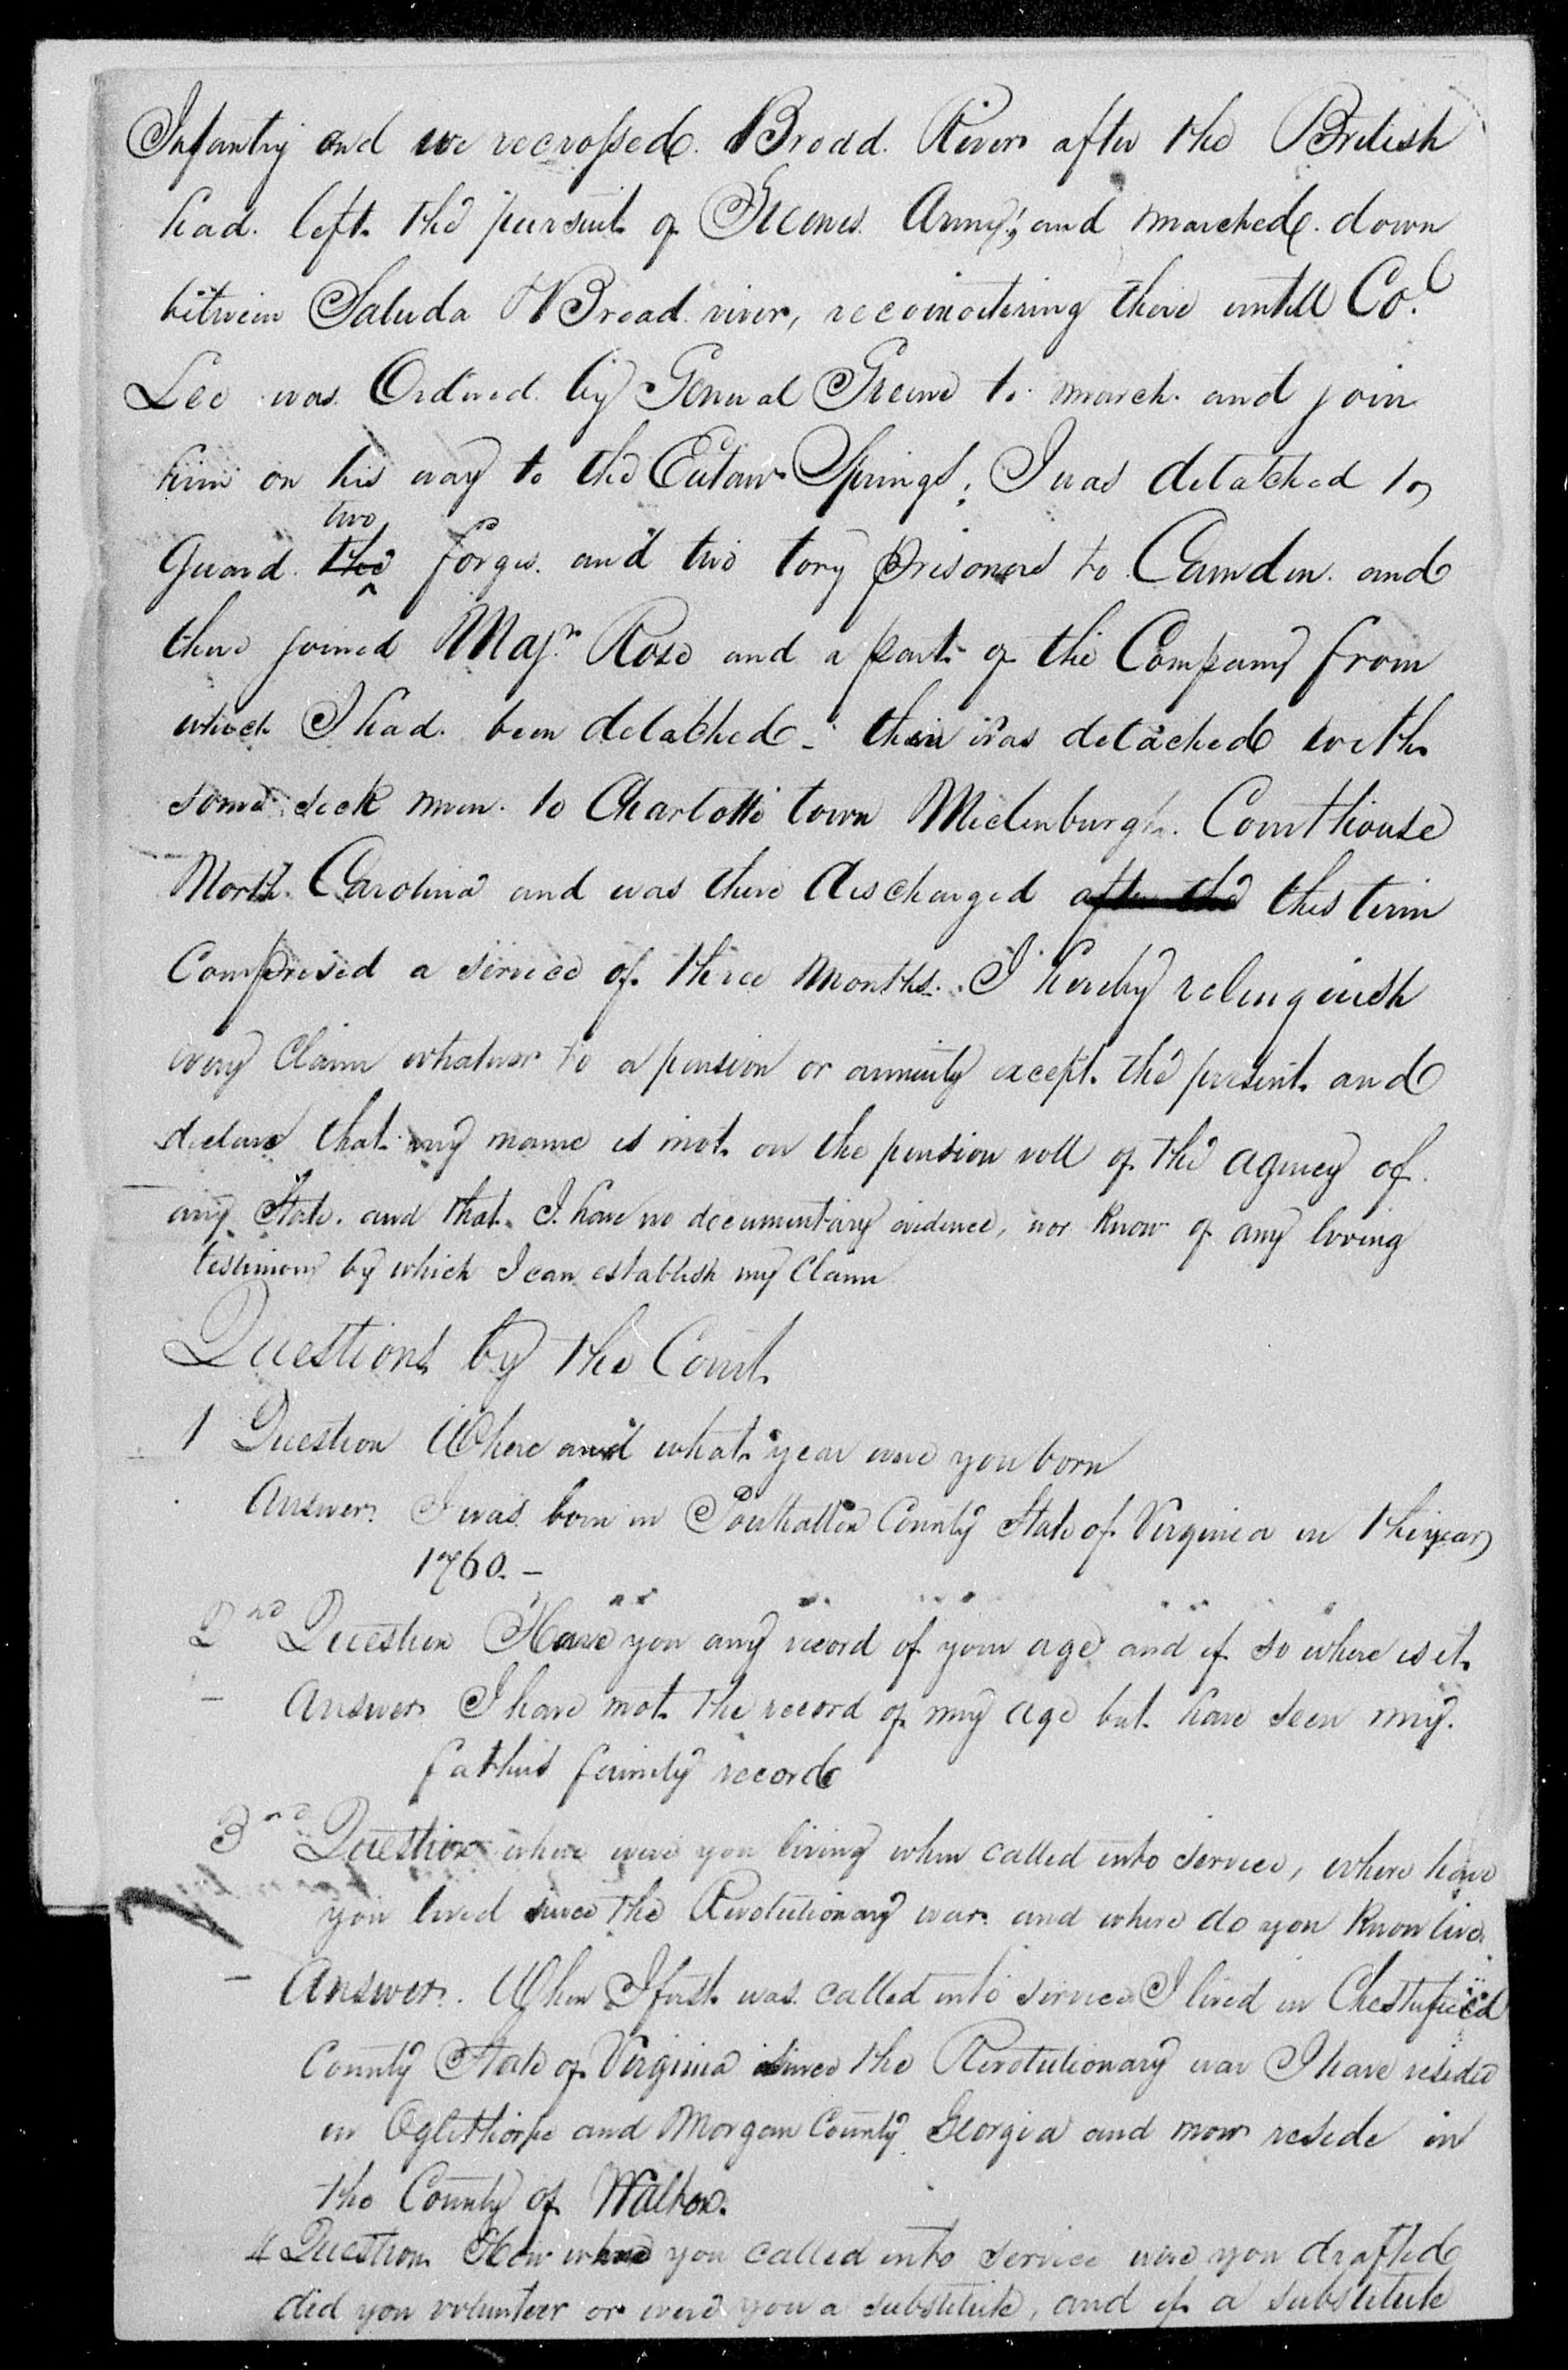Infantry and we recrossed Broad River after the British had left the pursuit of Sicones Army; and marched down between Saluda & Broad river, reconnecting there untill Col. Leo was Ordered by General Greene to march and join him on his way to the Eutaw Springs; I was detached to guard two forges, and two tory prisoners to Camden and there joined Majr Rose and a part of the Company from which I had been detached. then was detached with Frederick men to Charlotte town Miclenburgh. Courthouse North Carolina and was there discharged after this term comprised a service of three months. I hereby relinquish any claim whatever to a pension or annuity except the present and declare that my name is not on the pension roll of the agency of any State and that I have no documentary evidence, nor know of any living testimony by which I can establish my claim
Questions by the Court
1 Question Where and what year were you born
Answer. I was born in Powhatten County State of Virginia in the year 1760.-
2nd Question Have you any record of your age and if so where is it
- Answer I have not the record of my age but have seen my fathers family record
3rd Question where were you living when called into service, where have you lived since the Revolutionary war and where do you know live
- Answer. When I first was called into service I lived in Chesterfield County State of Virginia Since the Revolutionary war I have resided in Oglethorpe and Morgan County Georgia and now reside in the County of Walton.
4 Question How were you called into service were you drafted did you volunteer or were you a substitute, and if a substitute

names: Rose, Lee, Greene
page: 50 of 54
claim: widow's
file: W. 3794, Nathan Formby, Va.